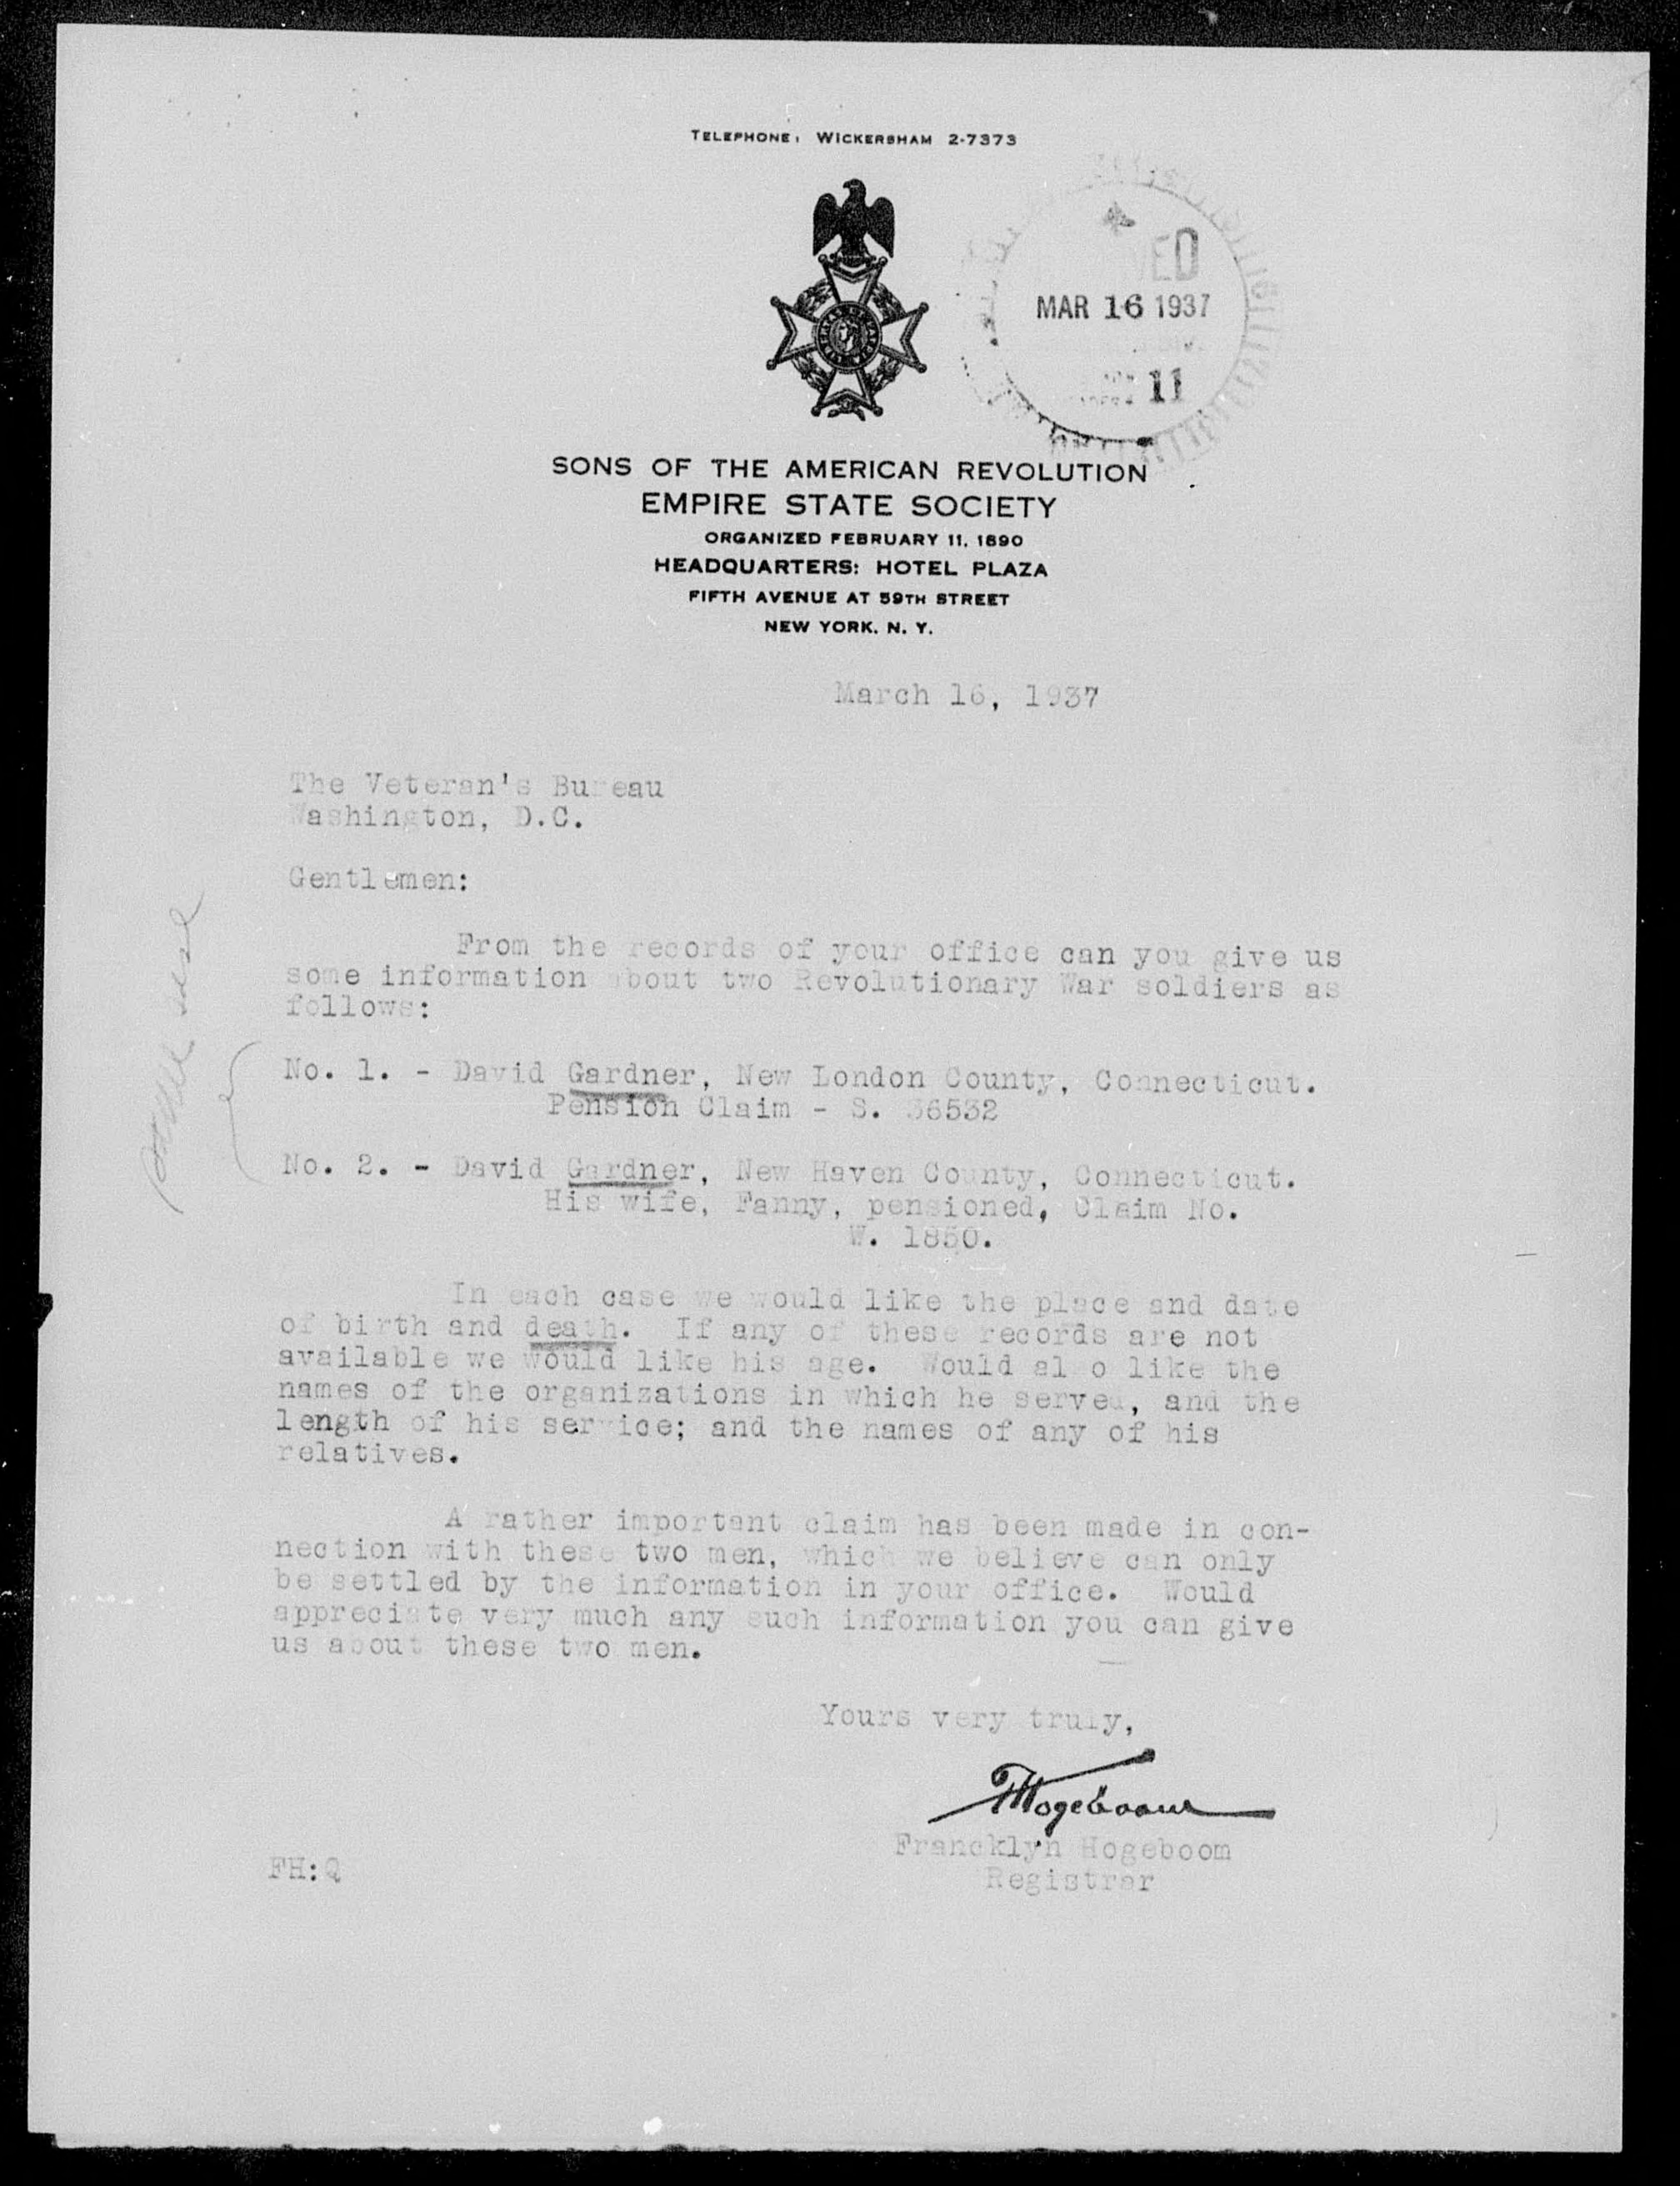[Letterhead]
TELEPHONE WICKERSHAM 27373
[Round Ink Stamp [illegible] MAR 16 1937 [illegible] 11]
[Sons of the American Revolution logo]
SONS OF THE AMERICAN REVOLUTION
EMPIRE STATE SOCIETY
ORGANIZED FEBRUARY 11, 1890
HEADQUARTERS: HOTEL PLAZA
FIFTH AVENUE AT 59TH STREET
NEW YORK, N. Y.
[Typed Document]
March 16, 1937
The Veteran's Bureau
Washington, D. C.
Gentlemen:
From the records of your office can you give us
some information about two Revolutionary War soldiers as
follows:
No. 1. -- David [underlined by hand] Gardner, New London County, Connecticut.
Pension Claim S. 36532
No. 2. -- David [underlined by hand] Gardner, New Haven County, Connecticut.
His wife, Fanny, pensioned, Claim No.
W. 1850.
In each case he would like the place and date
of birth and [underlined by hand] death. If any of these records are not
available we would like his age. Would also like the
names of the organizations in which he served, and the
length of his service; and the names of any of his
relatives.
A rather important claim has been made in connection
with these two men, which we believe can only
be settled by the information in your office. Would
appreciate very much any such information you can give
us about these two men.
Yours very truly,
[signature by hand] F Hogeboom
Francklyn Hogeboom
Registrar
FH:Q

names: David Gardner, F Hogeboom, Francklyn Hogeboom, Fanny, David Gardner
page: 44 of 66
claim: widow's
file: W 1850, David Gardner, Conn.